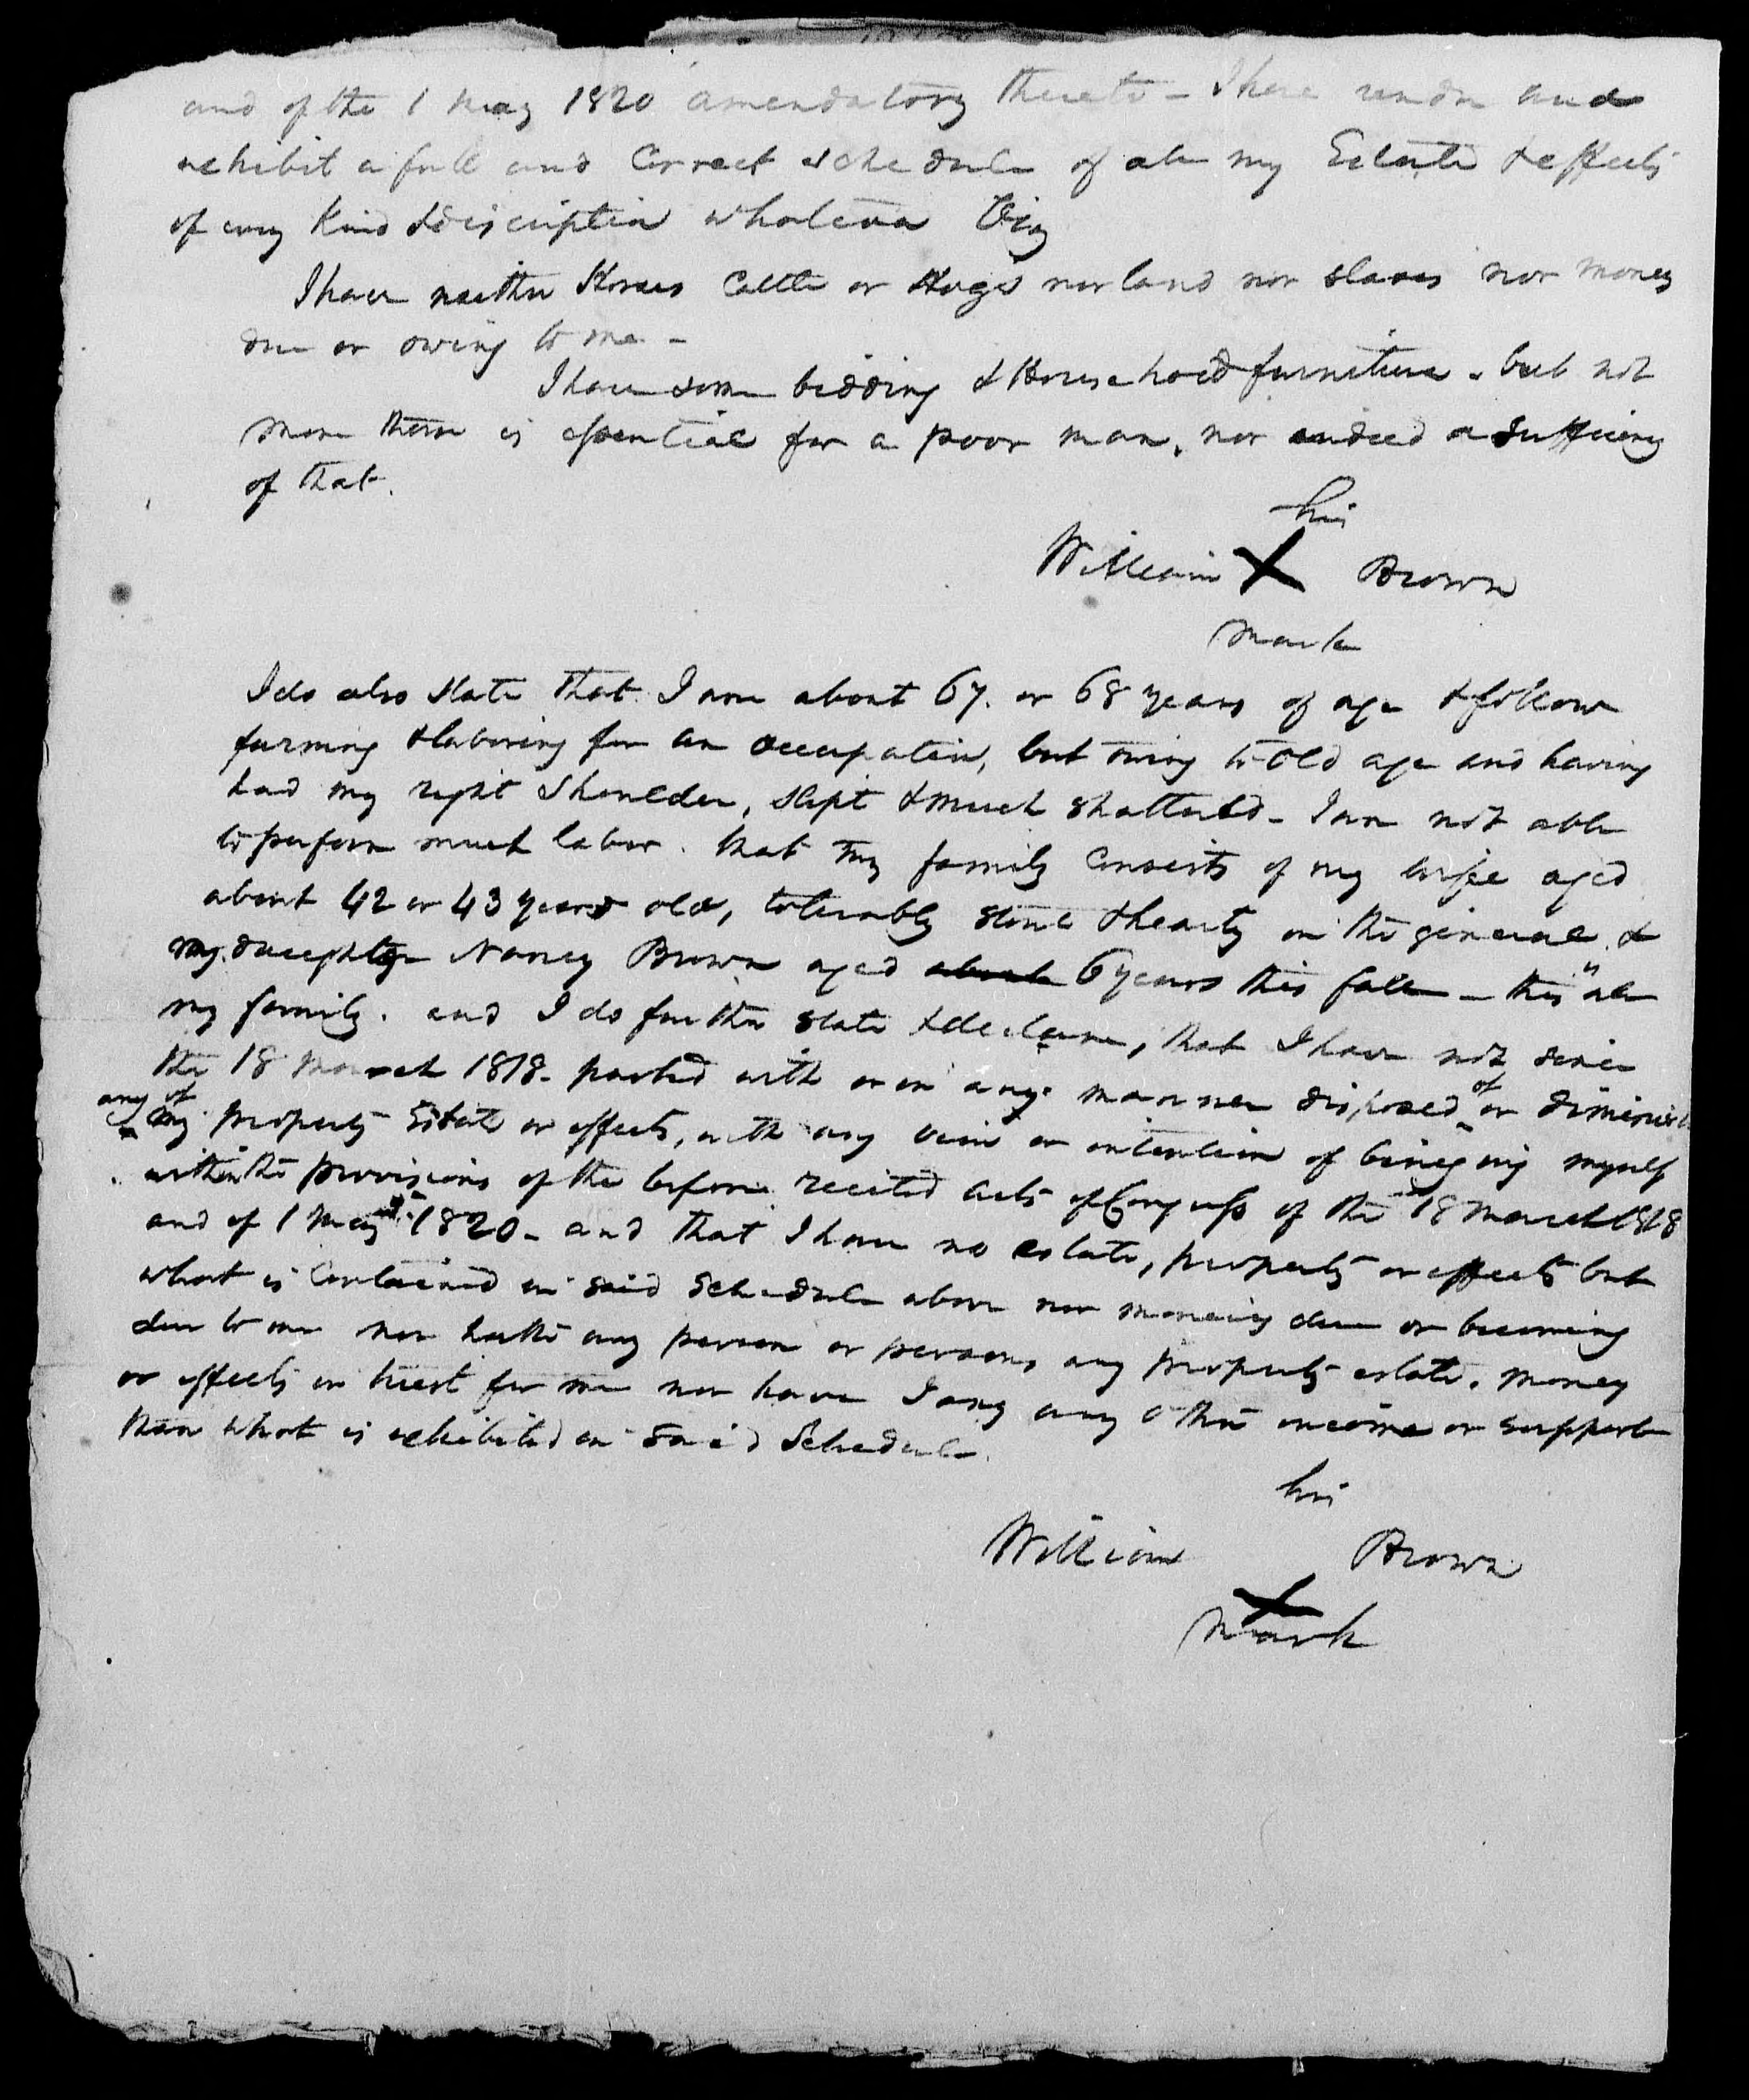and of the 1 Mar 1820 amendatory thereto - There under and
rehibit a full and correct schedule of all my Estate + effects
of any kind description whatever Viz
I have neither Horses Cattle or Hogs nor land nor slaves nor money
owe or owing to me -
I have some bedding + Household furniture [illegible]
more [illegible] is [illegible] for a poor man, nor indeed or suffering
of that.

his
x
mark
William Brown

I do also state that I am about 67 or 68 years of age [illegible]
farming + laboring for an occupation, but my old [illegible] age and having
had my right shoulder, shift + much shattered - I am not able
to perform much labor. That my family consists of my wife aged
about 42 or 43 years old, tolerably [illegible] + hearty in the general +
my daughter Nancy Brown aged 6 years this fall - this is all
my family. and I do further state + declare, that I have not since
the 18 March 1878, [illegible] with or in any manner disposed or or diminished
any of my property - estate or effects, with any view or intention of being my myself
within [illegible] provisions of the before recited acts of Congress of the 18 March 1818
and of 1 May 1820 - and that I have no estate, property or effect but
what is contained in said schedule above nor monies [illegible] or becoming
[illegible] to me nor hath any person or persons any property - estate, money
or effects in [illegible] for me nor have I any any other income or support
than what is rehibited on said schedule. 

his
x
mark
William Brown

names: William Brown, William Brown, Nancy Brown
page: 5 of 21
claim: survivor's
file: S. 35,788, William Brown, Va.